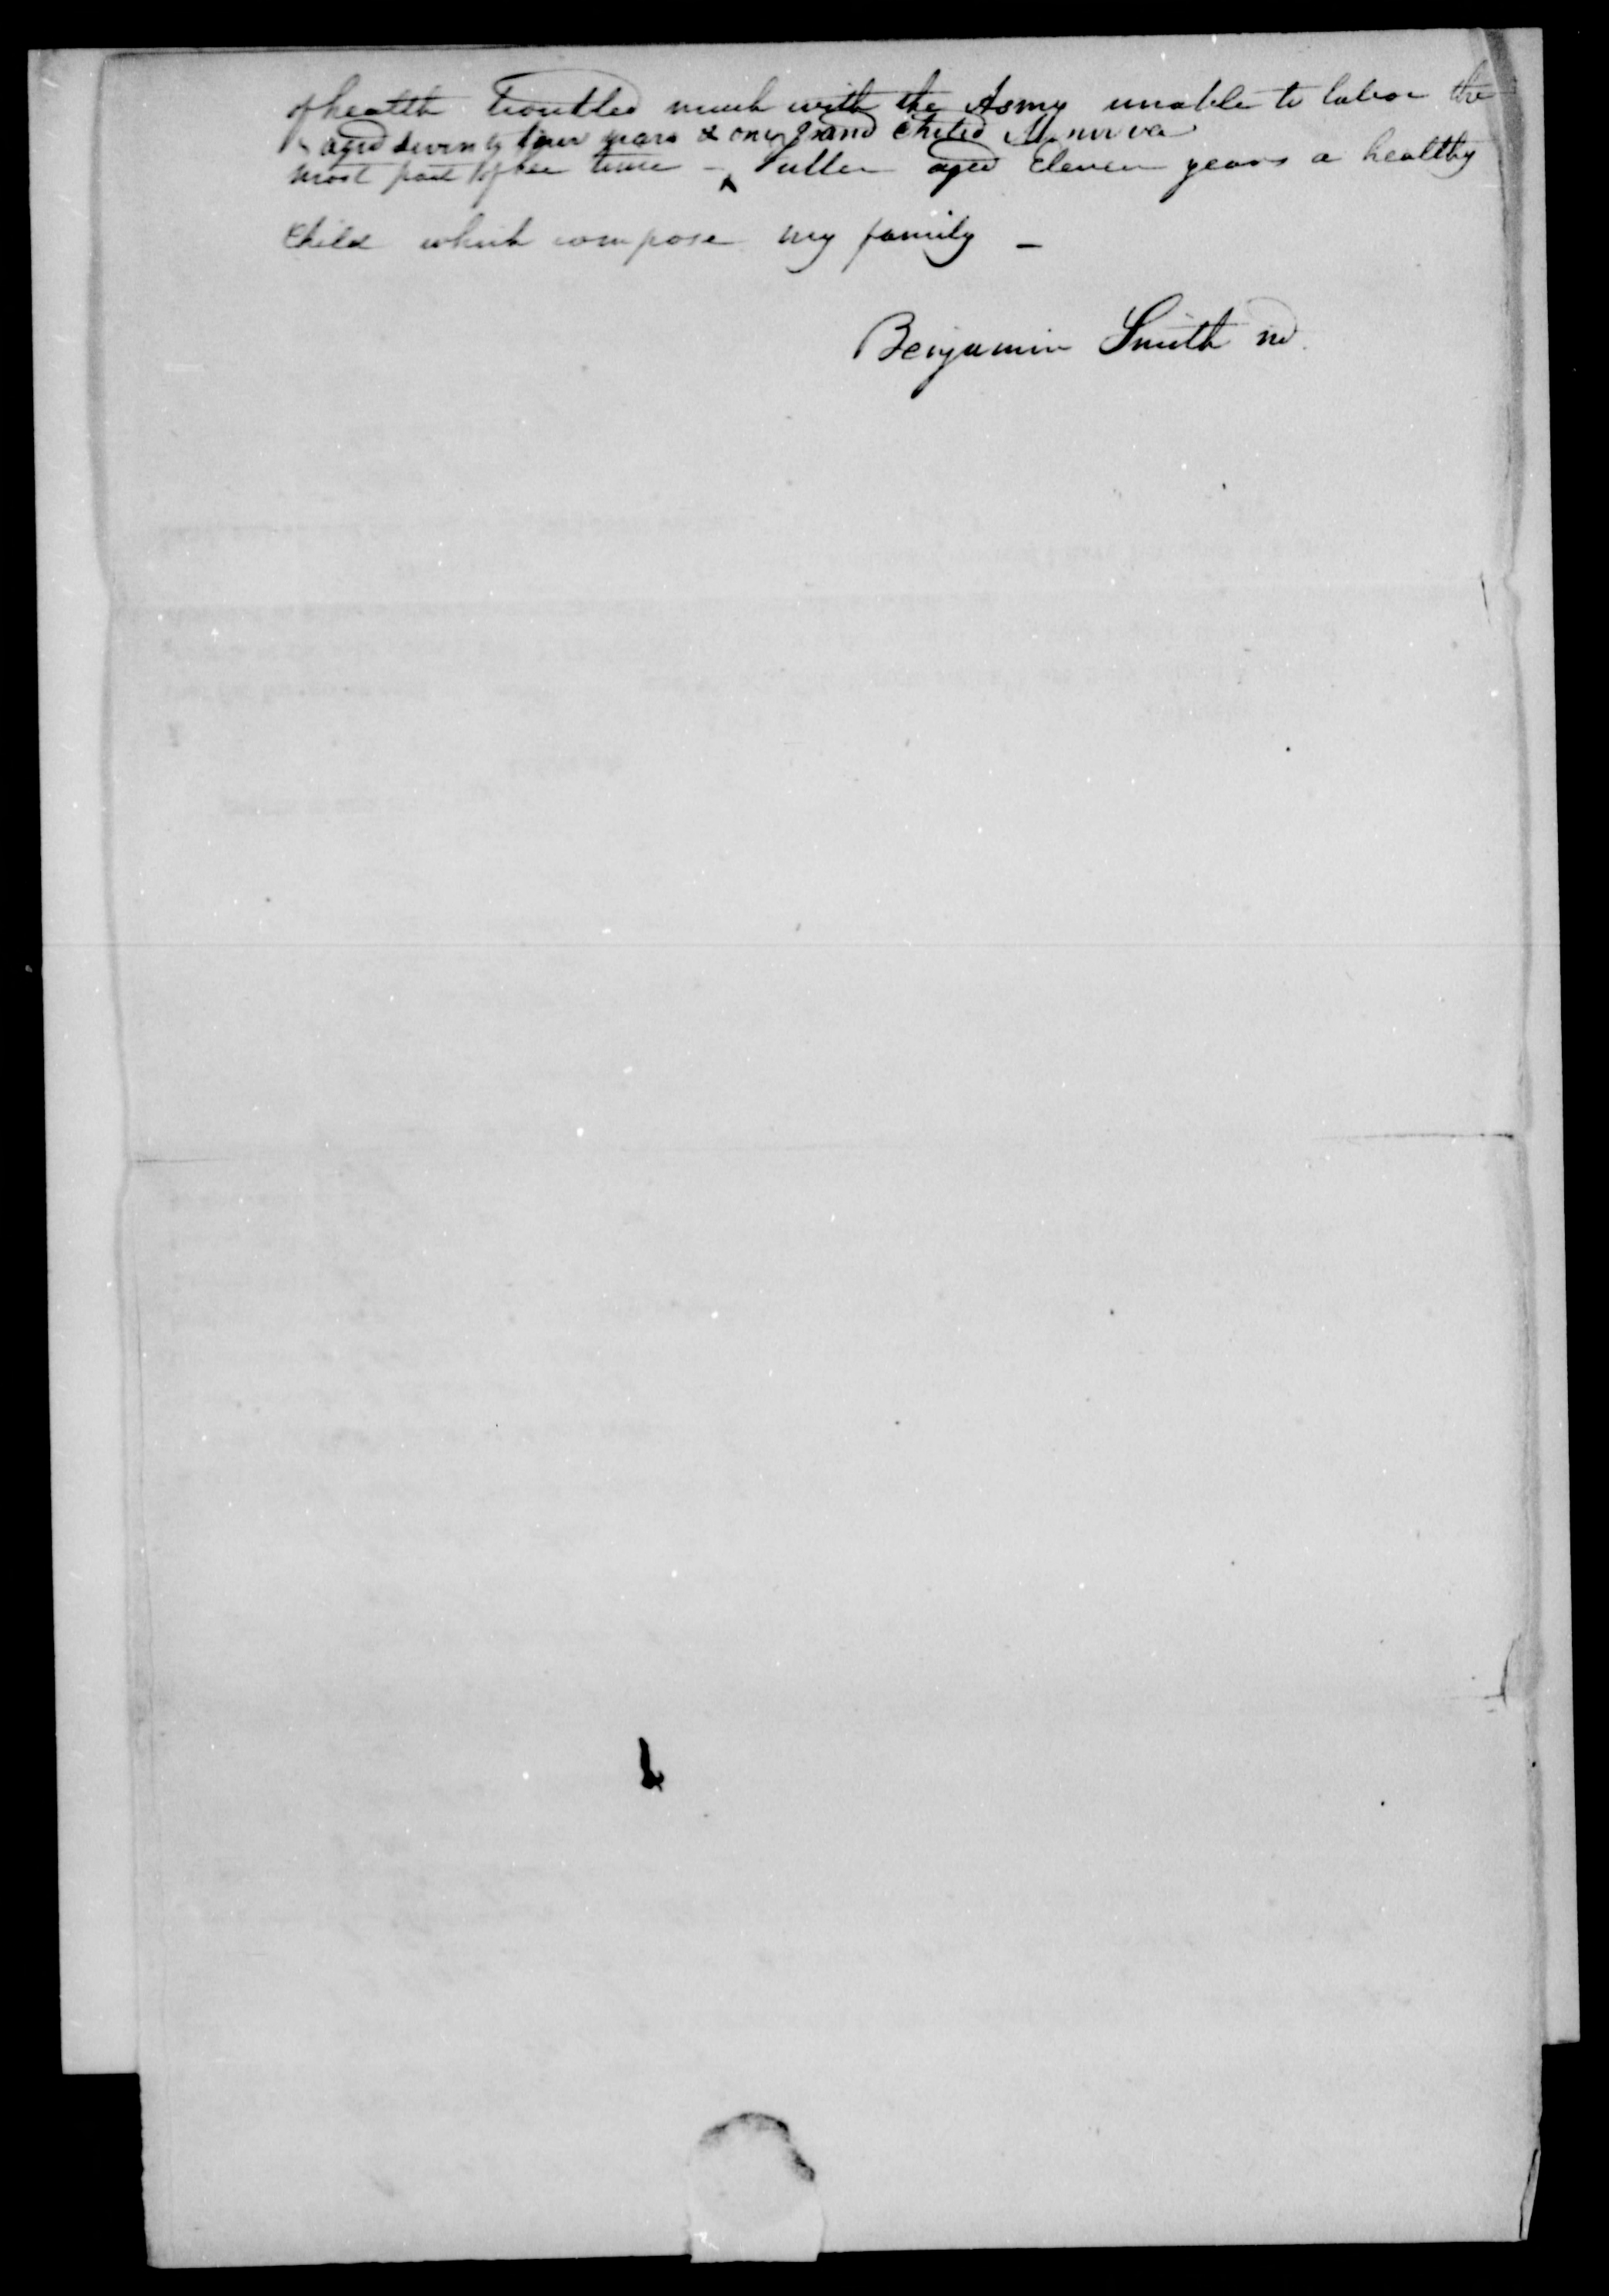health troubles much with the Asmy unable to labor the age seventy four years & on and [illegible][illegible]most part of the time ^Fuller aged Eleven years a healthy child which compose my family
Benjamin Smith 2d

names: Benjamin Smith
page: 12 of 16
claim: survivor's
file: S. 42341, for Benjamin Smith, Rhode Island